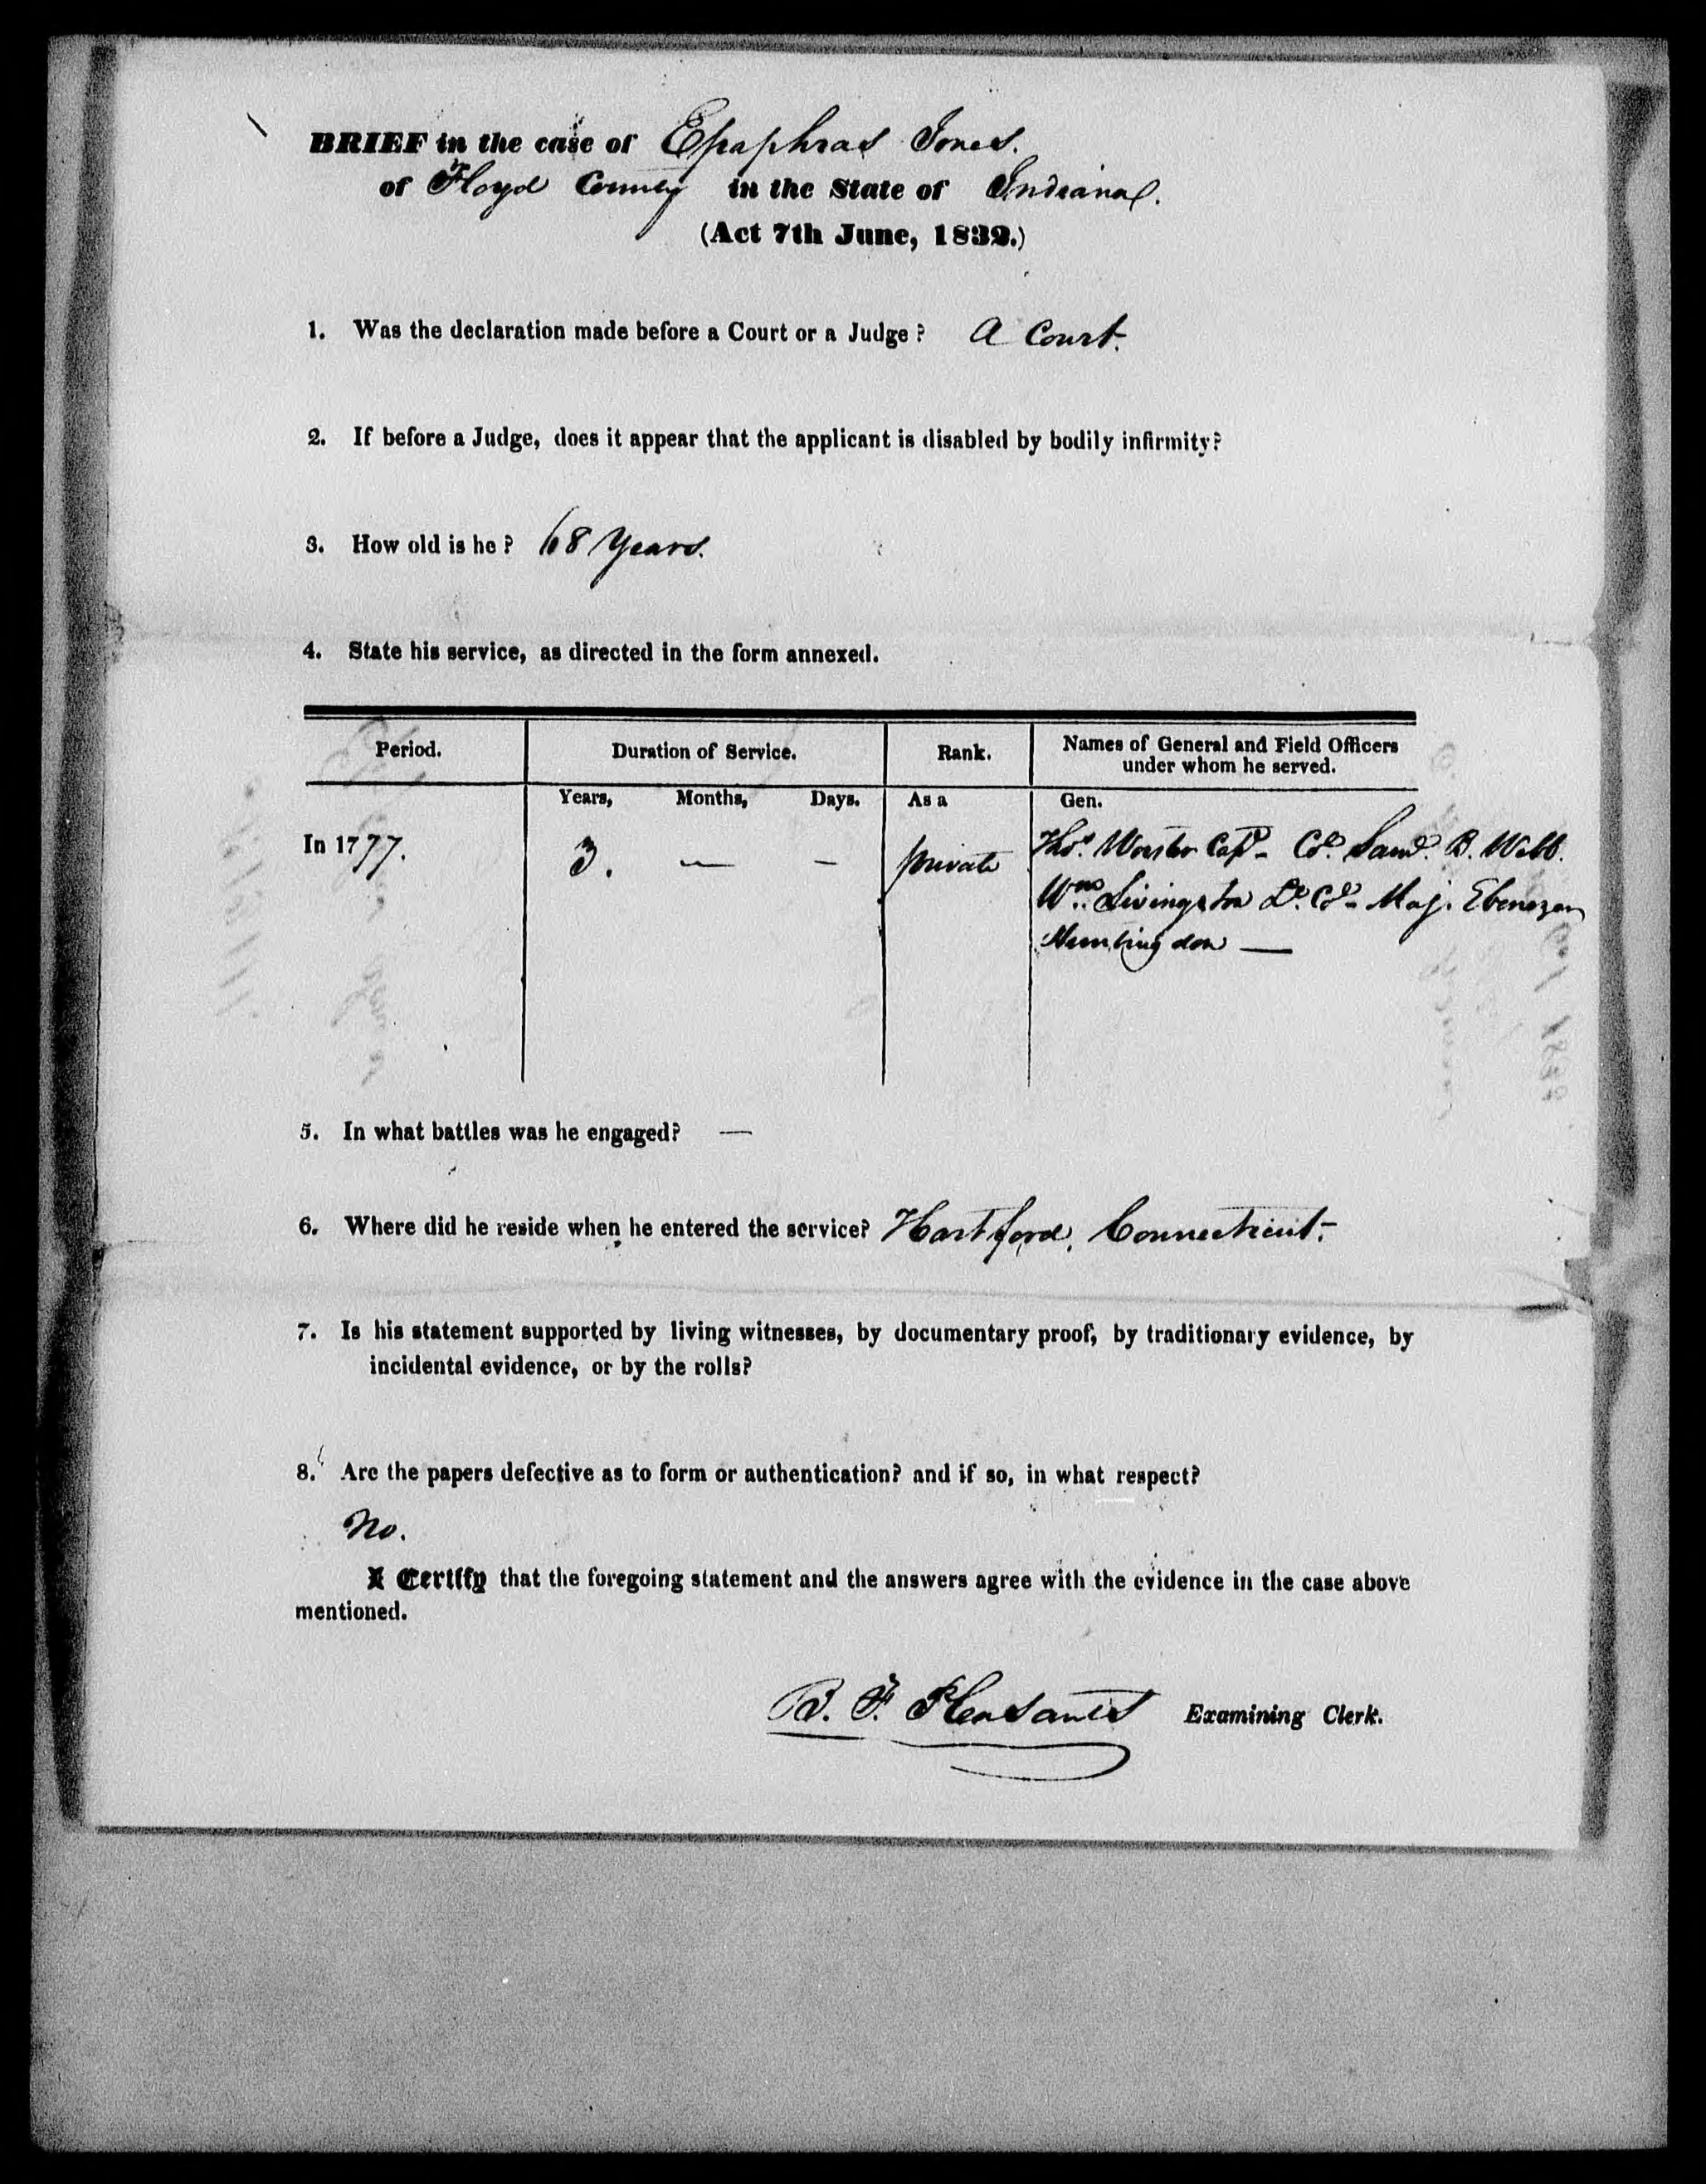BRIEF in the case of Epaphras Jones.
of Floyd County in the State of Indiana
(Act 7th June, 1832.)

1.  Was the declaration made before a Court or 
     a  Judge?    A Court.

2.  If before a Judge, does it appear that the 
     applicant is disabled by bodily infirmity?

3.  How old is he?   68 years.

4.  State his service, as directed in the form 
     annexed.
     -----------------------------------------------

Period.
---------
In 1777.

Duration of Service.
-----------------------
Years,          Months,         Days
   3.                  ---                --

Rank.
--------
As a
private

Names of General and Field Officers
under who he served.
------------------------------------------
Thos. Worter Capt. - Col. Samul. B. Webb.
Wm Levingston Lt. Col.  Maj . Ebenezer
Huntington   ----

5.  In what battles was he engaged?  ----

6.  Where did he reside when he entered the 
      service?    Hartford, Connecticut

7.  Is his statement supported by living 
     witnesses, by documentary proof, by 
      traditionary evidence, by incidental 
      evidence, or by the rolls?

8.  Are the papers defective as to form or 
     authentication?   No.

* Certify that the foregoing statement and the 
   answers agree with the evidence in the case 
   above mentioned.

B. F. Hensants        Examining Clerk.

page: 4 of 17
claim: survivor's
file: S. 16889, for Epaphras Jones, Connecticut